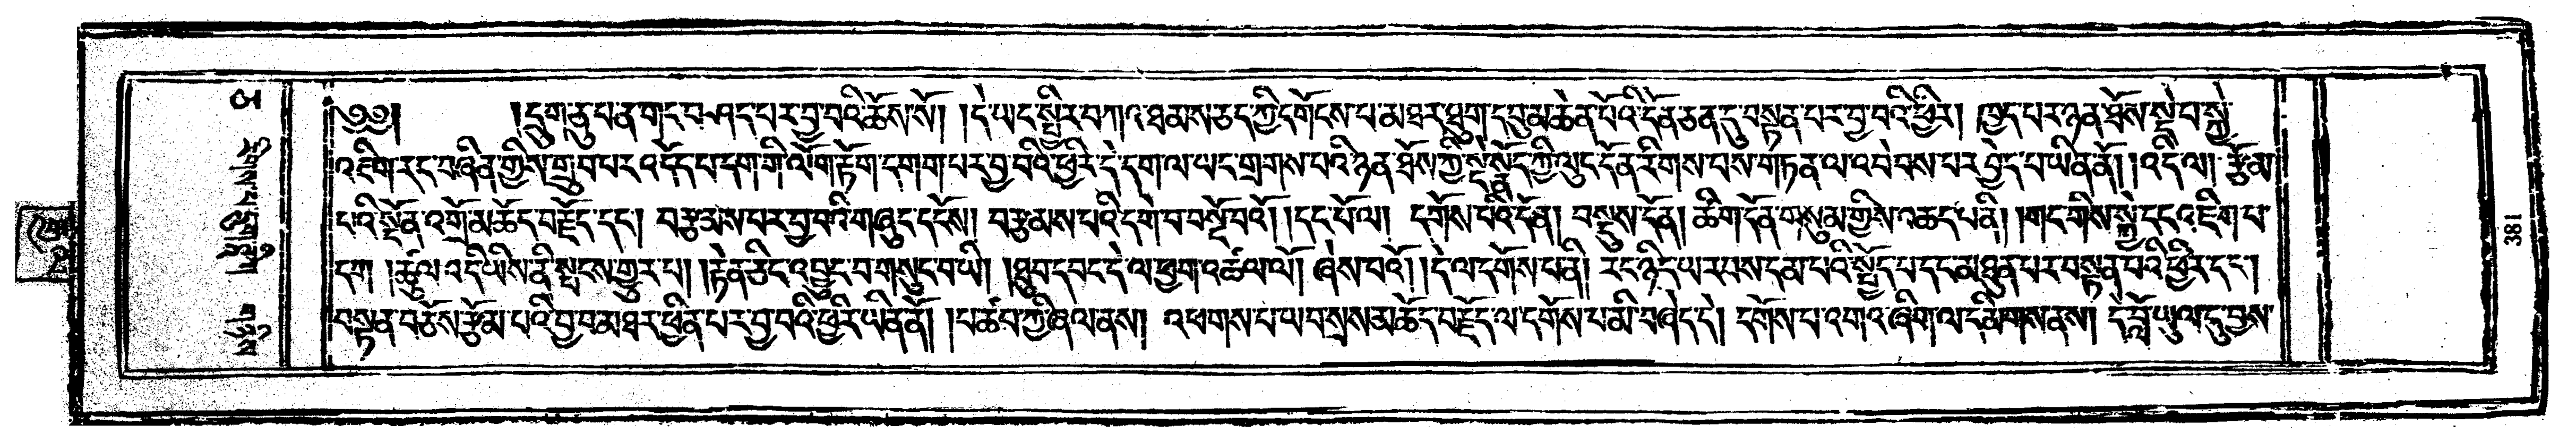༄༅། །དྲུག་ཅུ་པ་ན་གང་བཤད་པར་བྱ་བའི་ཆོས་སོ། །དེ་ཡང་སྤྱིར་བཀའ་ཐམས་ཅད་ཀྱི་དགོངས་པ་མཐར་ཐུག་དབུ་མ་ཆེན་པོའི་དོན་ཅན་དུ་བསྟན་པར་བྱ་བའི་ཕྱིར། ཁྱད་པར་ཉན་ཐོས་སྡེ་པ་སྐྱེ་
འཇིག་རང་བཞིན་གྱིས་གྲུབ་པར་འདོད་པ་དག་གི་ལོག་རྟོག་དགག་པར་བྱ་བའི་ཕྱིར་དེ་དག་ལ་ཡང་གྲགས་པའི་ཉན་ཐོས་ཀྱི་སྡེ་སྣོད་ཀྱི་ལུང་དོན་རིགས་པས་གཏན་ལ་འབེབས་པར་བྱེད་པ་ཡིན་ནོ། །འདི་ལ། རྩོམ་
པའི་སྔོན་འགྲོ་མཆོད་བརྗོད་དང་། བརྩམས་པར་བྱ་བའི་གཞུང་དངོས། བརྩམས་པའི་དགེ་བ་བསྔོ་བའོ། །དང་པོ་ལ། དགོས་པའི་དོན། བསྡུས་དོན། ཚིག་དོན་གསུམ་གྱིས་འཆད་པ་ནི། །གང་གིས་སྐྱེ་དང་འཇིག་པ་
དག །ཚུལ་འདི་ཡིས་ནི་སྤངས་གྱུར་པ། །རྟེན་ཅིང་འབྱུང་བ་གསུང་བ་ཡི། །ཐུབ་དབང་དེ་ལ་ཕྱག་འཚལ་ལོ། །ཞེས་པའོ། །དེ་ལ་དགོས་པ་ནི། རང་ཉིད་ཡ་རབས་དམ་པའི་སྤྱོད་པ་དང་མཐུན་པར་བསྟན་པའི་ཕྱིར་དང་།
བསྟན་བཅོས་རྩོམ་པའི་བྱ་བ་མཐར་ཕྱིན་པར་བྱ་བའི་ཕྱིར་ཡིན་ནོ། །པ་ཚབ་ཀྱི་ཞལ་ནས། འཕགས་པ་ཡབ་སྲས་མཆོད་བརྗོད་ལ་དགོས་པ་མི་བཞེད་དེ། དགོས་པ་འགའ་ཞིག་ལ་དམིགས་ནས། དེ་བློ་ཡུལ་དུ་བྱས་